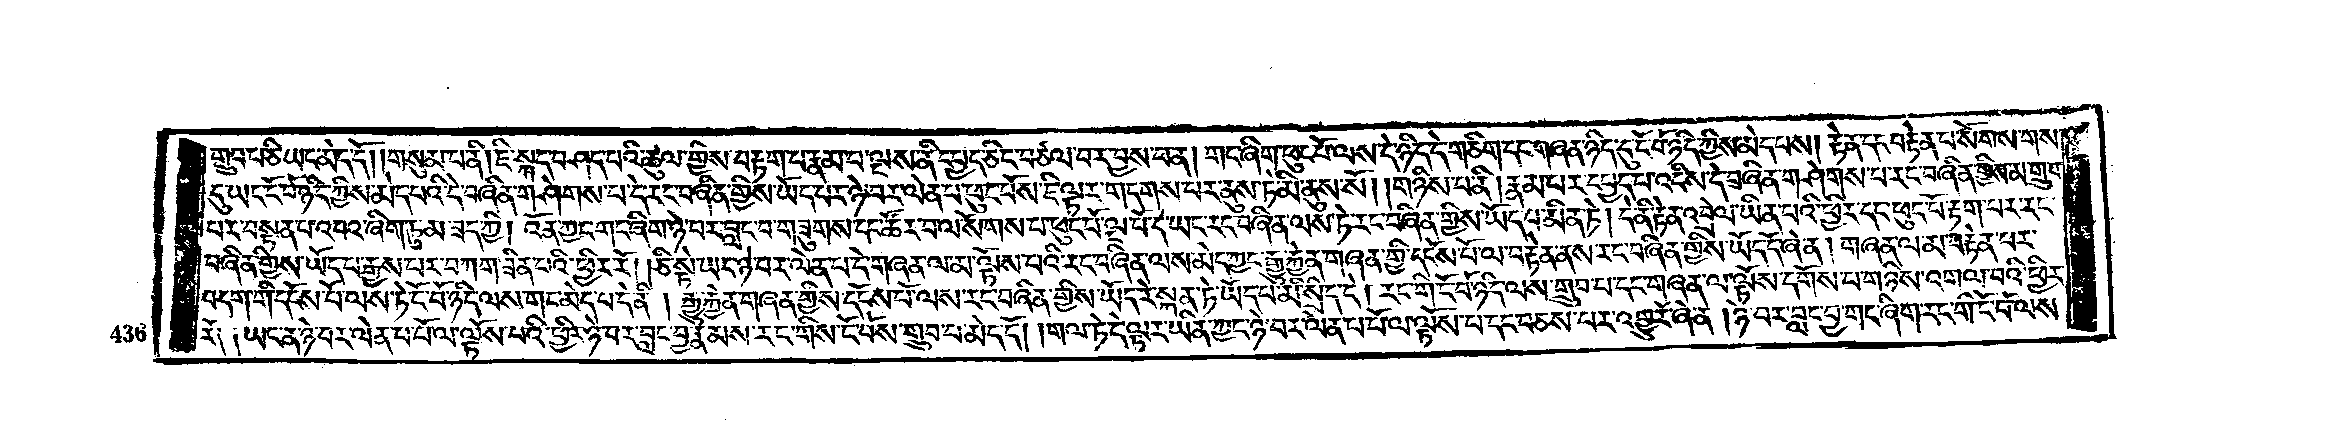གྲུབ་པ་ཅི་ཡང་མེད་དོ། །གསུམ་པ་ནི། ཇི་སྐད་བཤད་པའི་ཚུལ་གྱིས་བརྟག་པ་རྣམ་པ་ལས་ནི་དཔྱད་ཅིང་བཙལ་བར་བྱས་པ་ན། གང་ཞིག་ཕུང་པོ་ལས་དེ་ཉིད་དེ་གཅིག་དང་གཞན་ཉིད་དུ་ངོ་བོ་ཉིད་ཀྱིས་མེད་པས། རྟེན་དང་བརྟེན་པ་སོགས་གསུ་
དུ་ཡང་ངོ་བོ་ཉིད་ཀྱིས་མེད་པའི་དེ་བཞིན་གཤེགས་པ་དེ་རང་བཞིན་གྱིས་ཡོད་པར་ཉེ་བར་ལེན་པ་ཕུང་པོས་ཇི་ལྟར་གདགས་པར་ནུས་ཏེ་མི་ནུས་སོ། །གཉིས་པ་ནི། རྣམ་པར་དཔྱད་པ་འདིས་དེ་བཞིན་གཤེགས་པ་རང་བཞིན་གྱིས་མ་གྲུབ་
པར་བསྟན་པ་འབའ་ཞིག་ཏུ་མ་ཟད་ཀྱི། འོན་ཀྱང་གང་ཞིག་ཉེ་བར་བླང་བ་གཟུགས་དང་ཚོར་བ་ལ་སོགས་པ་ཕུང་པོ་ལྔ་པོ་དེ་ཡང་རང་བཞིན་ལས་ཏེ་རང་བཞིན་གྱིས་ཡོད་པ་མིན་ཏེ། དེ་ནི་རྟེན་འབྲེལ་ཡིན་པའི་ཕྱིར་དང་ཕུང་པོ་རྟག་པར་རང་
བཞིན་གྱིས་ཡོད་པ་རྒྱས་པར་བཀག་ཟིན་པའི་ཕྱིར་རོ། །ཅི་སྟེ་ཡང་ཉེ་བར་ལེན་པ་དེ་གཞན་ལ་མ་ལྟོས་པའི་རང་བཞིན་ལས་མེད་ཀྱང་རྒྱུ་རྐྱེན་གཞན་གྱི་དངོས་པོ་ལ་བརྟེན་ནས་རང་བཞིན་གྱིས་ཡོད་དོ་ཞེ་ན། གཞན་ལ་མ་བརྟེན་པར་
བདག་གི་དངོས་པོ་ལས་ཏེ་ངོ་བོ་ཉིད་ལས་གང་མེད་པ་དེ་ནི། རྒྱུ་རྐྱེན་གཞན་གྱིས་དངོས་པོ་ལས་རང་བཞིན་གྱིས་ཡོད་རེ་སྐན་ཏེ་ཡོད་པ་མི་སྲིད་དེ། རང་གི་ངོ་བོ་ཉིད་ལས་གྲུབ་པ་དང་གཞན་ལ་ལྟོས་དགོས་པ་གཉིས་འགལ་བའི་ཕྱིར་
རོ༑ ༑ཡང་ན་ཉེ་བར་ལེན་པ་པོ་ལ་ལྟོས་པའི་ཕྱིར་ཉེ་བར་བླང་བྱ་རྣམས་རང་གིས་ངོ་བོས་གྲུབ་པ་མེད་དོ། །གལ་ཏེ་དེ་ལྟར་ཡིན་ཀྱང་ཉེ་བ་རླེན་པ་པོ་ལ་ལྟོས་པ་དང་བཅས་པར་འགྱུརོ་ཞེ་ན། ཉེ་བར་བླང་བྱ་གང་ཞིག་རང་གི་ངོ་བོ་ལས་